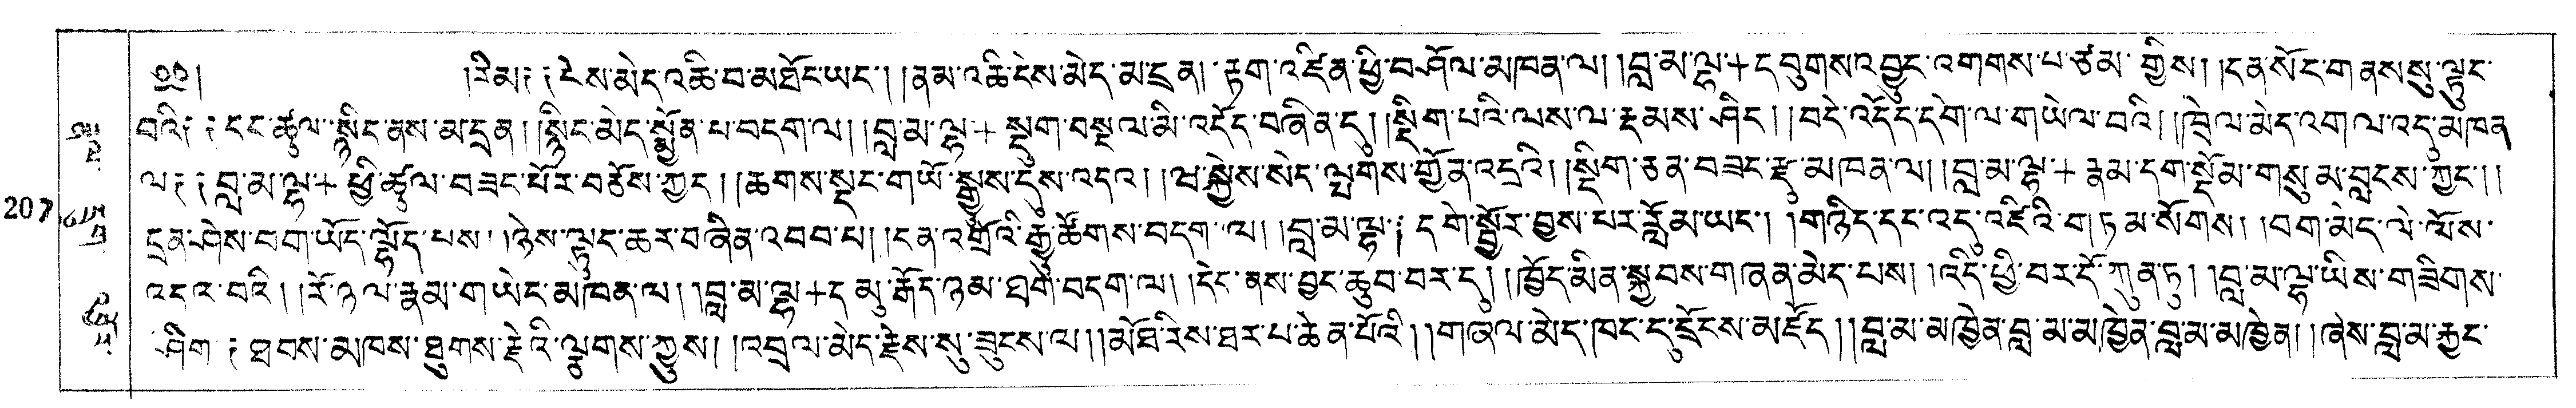༄༅། །རིམ༑ ༑ངེས་མེད་འཆི་བ་མཐོང་ཡང་། །ནམ་མཆི་ངེས་མེད་མ་དྲན། །རྟག་འཛིན་ཕྱི་བཤོལ་མཁན་ལ། །བླ་མ་ལྷ་྾་དབུགས་འབྱུང་འགགས་པ་ཙམ་གྱིས། །ངན་སོང་གནས་སུ་ལྟུང་
བའི༑ ༑ངང་ཚུལ་སྙིང་ནས་མ་དྲན། །སྙིང་མེད་སྨྱོན་པ་བདག་ལ། །བླ་མ་ལྷ་྾་སྡུག་བསྔལ་མི་འདོད་བཞིན་དུ། །སྡིག་པའི་ལས་ལ་རྔམས་ཤིང་། །བདེ་འདོད་དགེ་ལ་གཡེལ་བའི། །ཁྲེལ་མེད་འགལ་འདུ་མཁན་
ལ༑ ༑བླ་མ་ལྷ་྾་ཕྱི་ཚུལ་བཟང་པོར་བཅོས་ཀྱང་། །ཆགས་སྡང་གཡོ་སྒྱུས་དུས་འདའ། །ཝ་སྐྱེས་སེང་ལྤགས་གྱོན་འདྲའི། །སྡིག་ཅན་བཟང་རྫུ་མཁན་ལ། །བླ་མ་ལྷ་྾་རྣམ་དག་སྡོམ་གསུམ་བླངས་ཀྱང་། །
དྲན་ཤེས་བག་ཡོད་ལྷོད་པས། །ཉེས་ལྷུང་ཆར་བཞིན་འབབ་པ། །ངན་འགྲོའི་རྒྱུ་ཚོགས་བདག་ལ། །བླ་མ་ལྷ་྾་དགེ་སྦྱོར་བྱས་པར་རློམ་ཡང་། །གཉིད་དང་འདུ་འཛིའི་གཏམ་སོགས། །བག་མེད་ལེ་ལོས་
འདའ་བའི། །རོ་ཉལ་རྣམ་གཡེང་མཁན་ལ། །བླ་མ་ལྷ་྾་དམུ་རྒོད་ཉམ་ཐག་བདག་ལ། །དེར་ནས་བྱང་ཆུབ་བར་དུ། །ཁྱོད་མིན་སྐྱབས་གཞན་མེད་པས། །འདི་ཕྱི་བར་དོ་ཀུན་ཏུ། །བླ་མ་ལྷ་ཡིས་གཟིགས་
ཤིང་། ་་་་?་ཐུགས་རྗེའི་ལྕགས་ཀྱུས། །འབྲལ་མེད་རྗེས་སུ་ཟུངས་ལ། །མཐོ་རིས་ཐར་པ་ཆེན་པོའི། །གཞལ་མེད་ཁང་དུ་དྲོངས་མཛོད། །བླ་མ་མཁྱེན་བླ་མ་མཁྱེན་བླ་མ་མཁྱེན། །ཞེས་བླ་མ་རྒྱང་